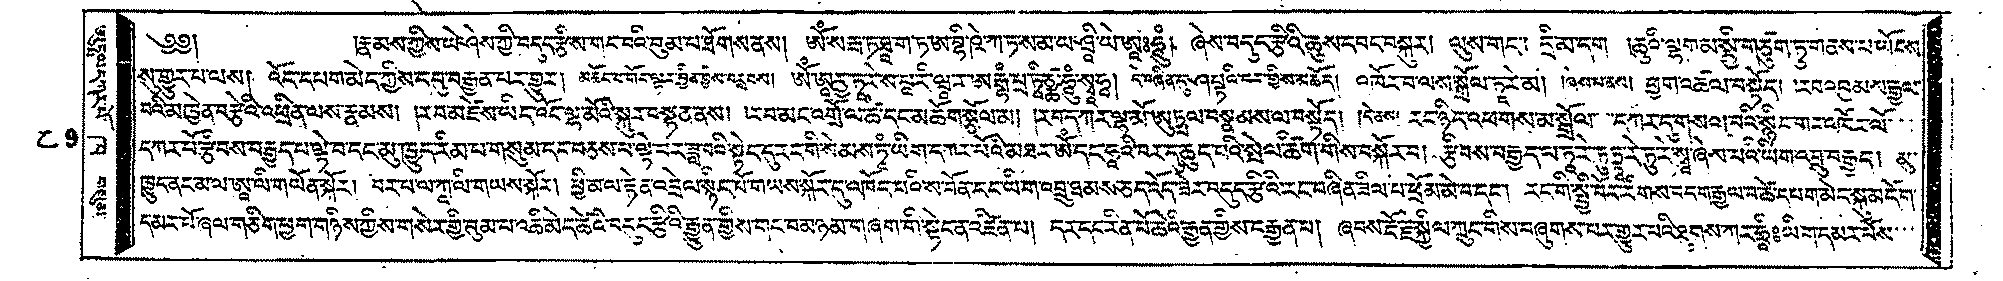༄༅། །རྣམས་ཀྱིས་ཡེ་ཤེས་ཀྱི་བདུད་རྩིས་གང་བའི་བུམ་པ་ཐོགས་ནས། ཨོཾ་སརྦ་ཏ་ཐཱ་ག་ཏ་ཨ་བྷི་ཥེ་ཀ་ཏ་ས་མ་ཡ་ཤྲཱི་ཡེ་ཨཱཿཧཱུཾ། ཞེས་བདུད་རྩིའི་ཆུས་དབང་བསྐུར། ལུས་གང་། དྲི་མ་དག །ཆུའི་ལྷག་མ་སྤྱི་གཙུག་ཏུ་གནས་པ་ཡོངས་
སུ་གྱུར་པ་ལས། འོད་དཔག་མེད་ཀྱིས་དབུ་བརྒྱན་པར་གྱུར། མཆོད་པ་གོང་ལྟར་བྱིན་གྱིས་བརླབས།  ཨོཾ་ཨཱརྱ་ཏཱ་རེ་ས་པཱ་རི་ཝཱ་ར་ཨརྒྷཾ་པྲ་ཏཱི་ཙྪ་ཧཱུཾ་སྭཱཧཱ། དེ་བཞིན་དུ་ཤཔྟའི་བར་གྱིས་མཆོད།  འཁོར་བ་ལས་སྒྲོལ་ཏཱ་རེ་མ། །ཞེས་པ་ནས།  ཕྱག་འཚལ་བསྟོད། །རབ་འབྱམས་རྒྱལ་
བའི་མཁྱེན་བརྩེའི་འཕྲིན་ལས་རྣམས། །རབ་མཛེས་ཡིད་འོང་ལྷ་མོའི་སྐུར་བསྟན་ནས། །རབ་མང་འགྲོ་ལ་ཚེ་དང་མཆོག་སྩོལ་མ། །རབ་དཀར་ལྷ་མོ་ཨུཏྤལ་བསྣམས་ལ་བསྟོད། ། དེ་ནས།  རང་ཉིད་འཕགས་མ་སྒྲོལ་་་དཀར་དུ་གསལ་བའི་སྙིང་གར་འཁོར་ལོ་་་
དཀར་པོ་རྩིབས་བརྒྱད་པ་ལྟེ་བ་དང་མུ་ཁྱུད་རིམ་པ་གསུམ་དང་བཅས་པ་ལྟེ་བར་ཟླ་བའི་སྟེང་དུ་རང་གི་སེམས་ཏཱཾ་ཡིག་དཀར་པོའི་མཐར་ཨོཾ་དང་ཧཱའི་བར་དུ་ཆུད་པའི་སྤེལ་ཚིག་གིས་བསྐོར་བ། རྩིབས་བརྒྱད་ལ་ཏཱ་རེ་ཏུཏྟཱ་རེ་ཏུ་རེ་སྭཱ་ཞེས་པའི་ཡིག་འབྲུ་བརྒྱད། མུ་
ཁྱུད་ནང་མ་ལ་ཨཱ་ལི་གཡོན་སྐོར། བར་པ་ལ་ཀཱ་ལི་གཡས་སྐོར། ཕྱི་མ་ལ་རྟེན་འབྲེལ་སྙིང་པོ་གཡས་སྐོར་དུ་འཁོད་པའི་ས་བོན་དང་ཡིག་འབྲུ་ཐམས་ཅད་འོད་ཟེར་བདུད་རྩིའི་རང་བཞིན་ཟིལ་པ་ཕྲོམ་མེ་བ་དང་། རང་གི་སྤྱི་བོར་རིགས་བདག་རྒྱལ་བ་ཚེ་དཔག་མེད་སྐུ་མདོག་
དམར་པོ་ཞལ་གཅིག་ཕྱག་གཉིས་ཀྱིས་གསེར་གྱི་བུམ་པ་འཆི་མེད་ཚེའི་བདུད་རྩིའི་རྒྱུན་གྱིས་གང་བ་མཉམ་གཞག་གི་སྟེང་ན་འཛིན་པ། དར་དང་རིན་པོ་ཆེའི་རྒྱན་གྱིས་བརྒྱན་པ། ཞབས་རྡོ་རྗེ་སྐྱིལ་ཀྲུང་གིས་བཞུགས་པར་གྱུར་པའི་ཐུགས་ཀར་ཧྲཱིཿ ཡིག་དམར་པོས་་་